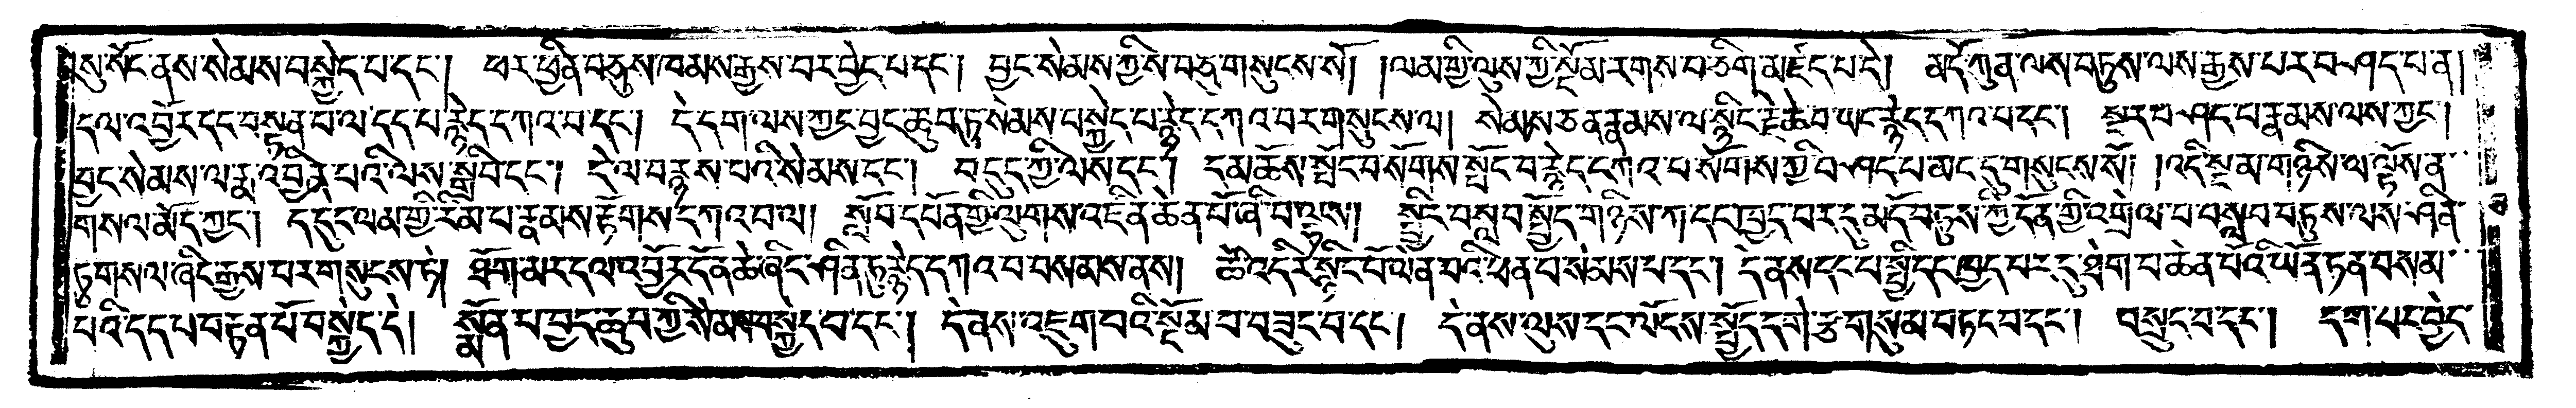སུ་སོང་ནས་སེམས་བསྐྱེད་པ་དང་། ཕར་ཕྱིན་བཅུས་ཁམས་རྒྱས་པར་བྱེད་པ་དང་། བྱང་སེམས་ཀྱི་ས་བཅུ་གསུངས་སོ། །ལམ་གྱི་ལུས་ཀྱི་སྡོམ་རགས་པ་ཅིག་མཛད་པ་དེ། མདོ་ཀུན་ལས་བཏུས་ལས་རྒྱས་པར་བཤད་པ་ན།
དལ་འབྱོར་དང་བསྟན་པ་ལ་དད་པ་རྙེད་དཀའ་བ་དང་། དེ་དག་ལས་ཀྱང་བྱང་ཆུབ་ཏུ་སེམས་བསྐྱེད་པ་རྙེད་དཀའ་བར་གསུངས་ལ། སེམས་ཅན་རྣམས་ལ་སྙིང་རྗེ་ཆེ་བ་ཡང་རྙེད་དཀའ་བ་དང་། སྔར་བཤད་པ་རྣམས་ལས་ཀྱང་།
བྱང་སེམས་ལ་རྨ་འབྱིན་པའི་ལས་སྒྲིབ་དང་། དེ་ལ་བརྙས་པའི་སེམས་དང་། བདུད་ཀྱི་ལས་དང་། དམ་ཆོས་སྤོང་བ་སོགས་སྤོང་བ་རྙེད་དཀའ་བ་སོགས་ཀྱི་བཤད་པ་མང་དུ་གསུངས་སོ། །འདི་སྔ་མ་གཉིས་ལ་ལྟོས་ན་
གསལ་མོད་ཀྱང་། ད་དུང་ལམ་གྱི་རིམ་པ་རྣམས་རྟོགས་དཀའ་བ་ལ། སློབ་དཔོན་གྱི་ལུགས་འཛིན་ཆེན་པོ་ཞི་བ་ལྷས། སྤྱིར་བསླབ་སྤྱོད་གཉིས་ཀ་དང་ཁྱད་པར་དུ་མདོ་བཏུས་ཀྱི་དོན་གྱི་འགྲེལ་པ་བསླབ་བཏུས་ལས་ཤིན་
ཏུ་གསལ་ཞིང་རྒྱས་པར་གསུངས་ཏེ། ཐོག་མར་དལ་འབྱོར་དོན་ཆེ་ཞིང་ཤིན་ཏུ་རྙེད་དཀའ་བ་བསམས་ནས། ཚེ་འདིར་སྙིང་པོ་ལེན་པའི་ཕན་པ་སེམས་པ་དང་། དེ་ནས་དད་པ་སྤྱི་དང་ཁྱད་པར་དུ་ཐེག་པ་ཆེན་པོའི་ཡོན་ཏན་བསམ་
པའི་དད་པ་བརྟན་པོ་བསྐྱེད་དེ། སྨོན་པ་བྱང་ཆུབ་ཀྱི་སེམས་བསྐྱེད་པ་དང་། དེ་ནས་འཇུག་པའི་སྡོམ་པ་བཟུང་བ་དང་། དེ་ནས་ལུས་དང་ལོངས་སྤྱོད་དགེ་རྩ་གསུམ་བཏང་བ་དང་། བསྲུང་བ་དང་། དག་པར་བྱེད་